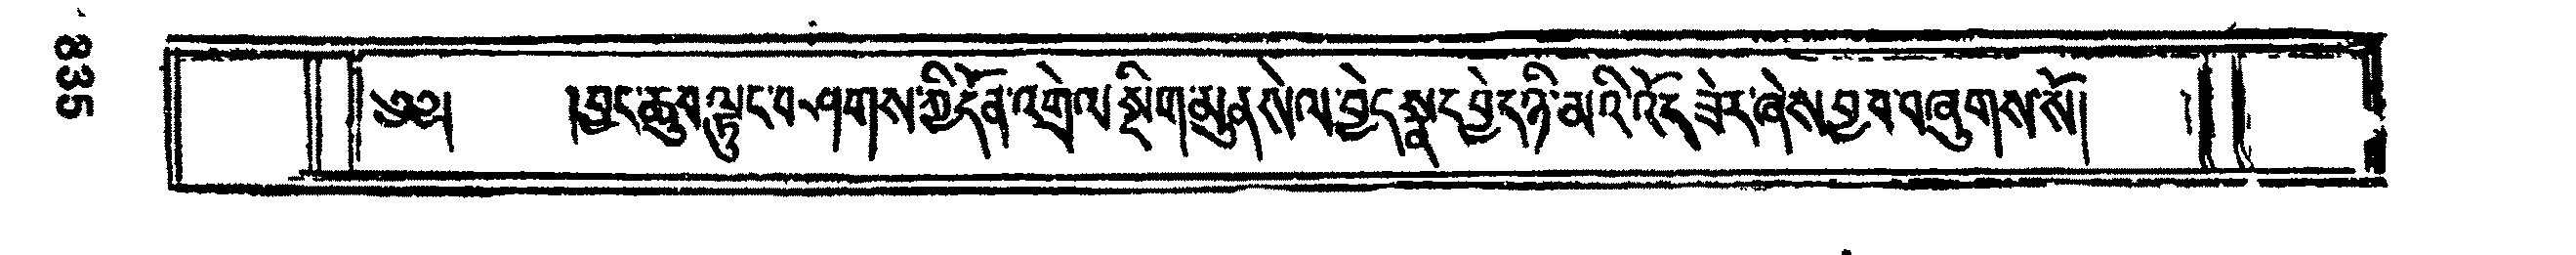༄༅། །བྱང་ཆུབ་ལྟུང་བཤགས་ཀྱི་དོན་འགྲེལ་སྡིག་མུན་སེལ་བྱེད་སྣང་བྱེད་ཉི་མའི་འོད་ཟེར་ཞེས་བྱ་བ་བཞུགས་སོ། །